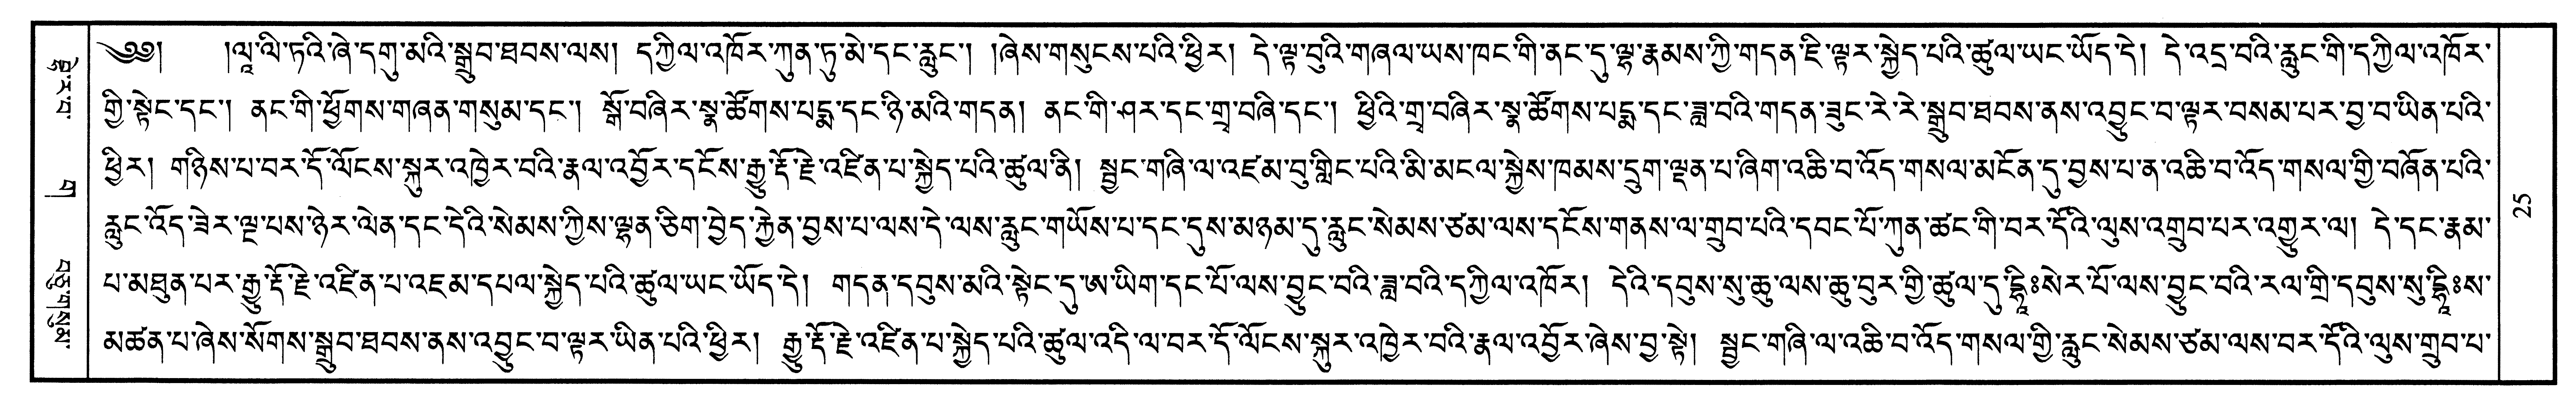༄༅། །ལཱ་ལི་ཏའི་ཞེ་དགུ་མའི་སྒྲུབ་ཐབས་ལས། དཀྱིལ་འཁོར་ཀུན་ཏུ་མེ་དང་རླུང་། །ཞེས་གསུངས་པའི་ཕྱིར། དེ་ལྟ་བུའི་གཞལ་ཡས་ཁང་གི་ནང་དུ་ལྷ་རྣམས་ཀྱི་གདན་ཇི་ལྟར་སྐྱེད་པའི་ཚུལ་ཡང་ཡོད་དེ། དེ་འདྲ་བའི་རླུང་གི་དཀྱིལ་འཁོར་
གྱི་སྟེང་དང་། ནང་གི་ཕྱོགས་གཞན་གསུམ་དང་། སྒོ་བཞིར་སྣ་ཚོགས་པདམ་དང་ཉི་མའི་གདན། ནང་གི་ཤར་དང་གྲྭ་བཞི་དང་། ཕྱིའི་གྲྭ་བཞིར་སྣ་ཚོགས་པདམ་དང་ཟླ་བའི་གདན་ཟུང་རེ་རེ་སྒྲུབ་ཐབས་ནས་འབྱུང་བ་ལྟར་བསམ་པར་བྱ་བ་ཡིན་པའི་
ཕྱིར། གཉིས་པ་བར་དོ་ལོངས་སྐུར་འཁྱེར་བའི་རྣལ་འབྱོར་དངོས་རྒྱུ་རྡོ་རྗེ་འཛིན་པ་སྐྱེད་པའི་ཚུལ་ནི། སྦྱང་གཞི་ལ་འཛམ་བུ་གླིང་པའི་མི་མངལ་སྐྱེས་ཁམས་དྲུག་ལྡན་པ་ཞིག་འཆི་བ་འོད་གསལ་མངོན་དུ་བྱས་པ་ན་འཆི་བ་འོད་གསལ་གྱི་བཞོན་པའི་
རླུང་འོད་ཟེར་ལྔ་པས་ཉེར་ལེན་དང་དེའི་སེམས་ཀྱིས་ལྷན་ཅིག་བྱེད་རྐྱེན་བྱས་པ་ལས་དེ་ལས་རླུང་གཡོས་པ་དང་དུས་མཉམ་དུ་རླུང་སེམས་ཙམ་ལས་དངོས་གནས་ལ་གྲུབ་པའི་དབང་པོ་ཀུན་ཚང་གི་བར་དོའི་ལུས་འགྲུབ་པར་འགྱུར་ལ། དེ་དང་རྣམ་
པ་མཐུན་པར་རྒྱུ་རྡོ་རྗེ་འཛིན་པ་འཇམ་དཔལ་སྐྱེད་པའི་ཚུལ་ཡང་ཡོད་དེ། གདན་དབུས་མའི་སྟེང་དུ་ཨ་ཡིག་དང་པོ་ལས་བྱུང་བའི་ཟླ་བའི་དཀྱིལ་འཁོར། དེའི་དབུས་སུ་ཆུ་ལས་ཆུ་བུར་གྱི་ཚུལ་དུ་དྷཱིཿ སེར་པོ་ལས་བྱུང་བའི་རལ་གྲི་དབུས་སུ་དྷཱིཿ ས་
མཚན་པ་ཞེས་སོགས་སྒྲུབ་ཐབས་ནས་འབྱུང་བ་ལྟར་ཡིན་པའི་ཕྱིར། རྒྱུ་རྡོ་རྗེ་འཛིན་པ་སྐྱེད་པའི་ཚུལ་འདི་ལ་བར་དོ་ལོངས་སྐུར་འཁྱེར་བའི་རྣལ་འབྱོར་ཞེས་བྱ་སྟེ། སྦྱང་གཞི་ལ་འཆི་བ་འོད་གསལ་གྱི་རླུང་སེམས་ཙམ་ལས་བར་དོའི་ལུས་གྲུབ་པ་